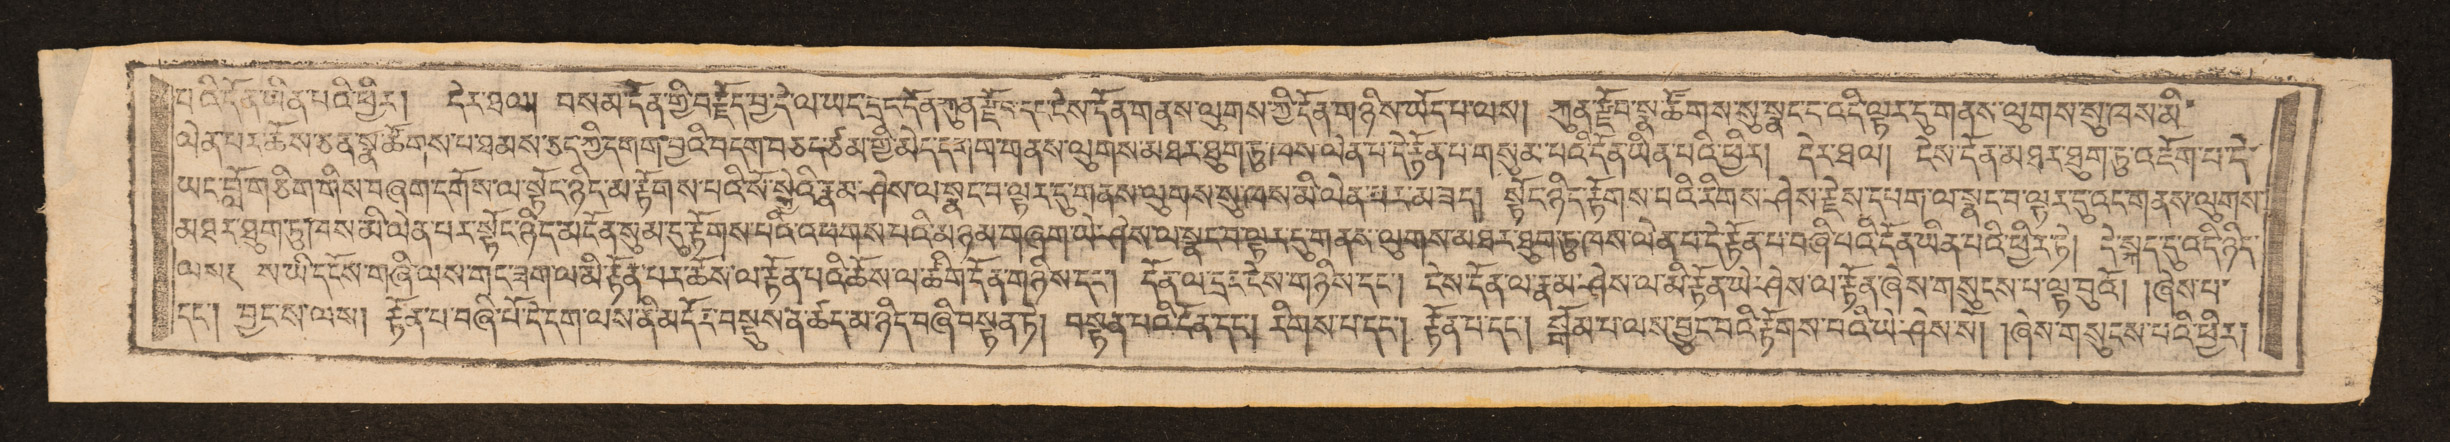པའི་དོན་ཡིན་པའི་ཕྱིར། དེར་ཐལ། བསམ་དོན་གྱི་བརྗོད་བྱ་དེ་ལ་ཡང་དྲང་དོན་ཀུན་རྫོབ་དང་ངེས་དོན་གནས་ལུགས་ཀྱི་དོན་གཉིས་ཡོད་པ་ལས། ཀུན་རྫོབ་སྣ་ཚོགས་སུ་སྣང་བ་འདི་ལྟར་དུ་གནས་ལུགས་སུ་ཁས་མི་
ལེན་ཁར་ཆོས་ཅན་སྣ་ཚོགས་པ་ཐམས་ཅད་ཀྱི་དགག་བྱའི་བདག་བཅད་ཙམ་གྱི་མེད་དགག་གནས་ལུགས་མཐར་ཐུག་ཏུ་ཁས་ལེན་པ་དེ་རྟོན་པ་གསུམ་པའི་དོན་ཡིན་པའི་ཕྱིར། དེར་ཐལ། ངེས་དོན་མཐར་ཐུག་ཏུ་འཇོག་པ་དེ་
ཡང་བློ་གཅིག་གིས་བཞག་དགོས་ལ་སྟོང་ཉིད་མ་རྟོགས་པའི་སོ་སྐྱེའི་རྣམ་ཤེས་ལ་སྣང་བ་ལྟར་དུ་གནས་ལུགས་སུ་ཁས་མི་ལེན་པར་མ་ཟད། སྟོང་ཉིད་རྟོགས་པའི་རིགས་ཤེས་རྗེས་དཔག་ལ་སྣང་བ་ལྟར་དུ་འང་གནས་ལུགས་
མཐར་ཐུག་ཏུ་ཁས་མི་ལེན་པར་སྟོང་ཉིད་མངོན་སུམ་དུ་རྟོགས་པའི་འཕགས་པའི་མཉམ་གཞག་ཡེ་ཤེས་ལ་སྣང་བ་ལྟར་དུ་གནས་ལུགས་མཐར་ཐུག་ཏུ་ཁས་ལེན་པ་དེ་རྟོན་པ་བཞི་པའི་དོན་ཡིན་པའི་ཕྱིར་ཏེ། དེ་སྐད་དུ་འདི་ཉིད་
ལས༑ ས་ཡི་དངོས་གཞི་ལས་གང་ཟག་ལ་མི་རྟོན་པར་ཆོས་ལ་རྟོན་པའི་ཆོས་ལ་ཚིག་དོན་གཉིས་དང་། དོན་ལ་དྲང་ངེས་གཉིས་དང་། ངེས་དོན་ལ་རྣམ་ཤེས་ལ་མི་རྟོན་ཡེ་ཤེས་ལ་རྟོན་ཞེས་གསུངས་པ་ལྟ་བུའོ། །ཞེས་པ་
དང་། བྱང་ས་ལས། རྟོན་པ་བཞི་པོ་དེ་དག་ལས་ནི་མདོར་བསྡུས་ན་ཚད་མ་ཉིད་བཞི་བསྟན་ཏེ། བསྟན་པའི་དོན་དང་། རིགས་པ་དང་། རྟོན་པ་དང་། སྒོམ་པ་ལས་བྱུང་བའི་རྟོགས་པའི་ཡེ་ཤེས་སོ། །ཞེས་གསུངས་པའི་ཕྱིར།